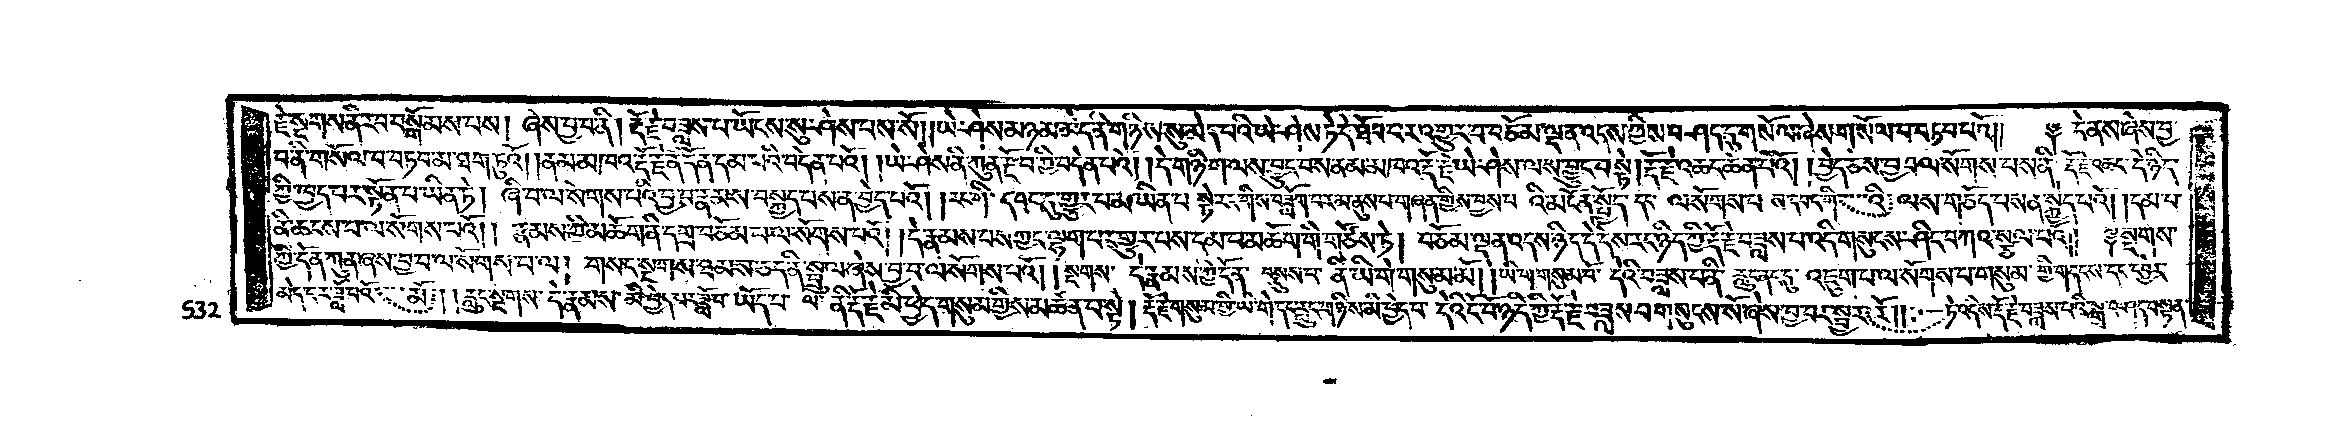རྗེས་སྔགས་ནི་རབ་བསྒོམས་པས། ཞེས་བྱ་བ་ནི། རྡོ་རྗེ་བཟླས་པ་ཡོངས་སུ་ཤེས་པས་སོ། །ཡེ་ཤེས་མཉམ་མེད་ནི་གཉིས་སུ་མེད་པའི་ཡེ་ཤེས་ཏེ་དེ་ཐོབ་པར་འགྱུར་བ་བཅོམ་ལྡན་འདས་ཀྱིས་བཤད་དུ་གསོལ་ཞེས་གསོལ་བ་བཏབ་པའོ།། ༈ དེ་ནས་ཞེས་བྱ་
བ་ནི་གསོལ་བ་བཏབ་མ་ཐག་ཏུའོ། །ནམ་མཁའ་རྡོ་རྗེ་ནི་དོན་དམ་པའི་བདེན་པའོ། །ཡེ་ཤེས་ནི་ཀུན་རྫོབ་ཀྱི་བདེན་པའོ། །དེ་གཉི་ག་ལས་བྱུང་བས་ནམ་མཁའ་རྡོ་རྗེ་ཡེ་ཤེས་ལས་བྱུང་བ་སྟེ། རྡོ་རྗེ་འཆང་ཆེན་པོའོ། །བྱེད་ཅེས་བྱ་བ་ལ་སོགས་པས་ནི་རྡོ་རྗེ་འཆང་དེ་ཉིད་
ཀྱི་ཁྱད་པར་སྟོན་པ་ཡིན་ཏེ། ཞི་བ་ལ་སོགས་པའི་བྱ་བ་རྣམས་བསྐྱེད་པས་ན་བྱེད་པའོ། །རང་གི་དབང་དུ་གྱུར་པ་མ་ཡིན་པ་སྟེ་རང་གིས་བཟློག་པར་མ་ནུས་པ་གཞན་གྱིས་བྱས་པའི་མངོན་སྤྱོད་དང་ལ་སོགས་པ་ས་དབང་གི་འི་ལས་གཅོད་པས་ན་སྐྱེད་པའི། །དམ་པ་
ནི་ཆ་ངས་པ་ལ་སོགས་པའོ། །དེ་རྣམས་ཀྱི་མཆོག་ནི་དགྲ་བཅོམ་པ་ལ་སོགས་པའོ། །དེ་རྣམས་པས་ཀྱང་ལྷག་པར་གྱུར་པས་དམ་པ་མཆོག་གི་གཙོས་ཏེ། བཅོམ་ལྡན་འདས་ཉིད་དེ་དེས་རང་ཉིད་ཀྱི་རྡོ་རྗེ་བཟླས་པ་འདི་གསུངས་ཤིང་མཐའ་སྩལ་པའོ།། ༈ སྔགས་
ཀྱི་དོན་ཀུན་ཞེས་བྱ་བ་ལ་སོགས་པ་ལ། གསང་སྔགས་ཐམས་ཅད་ནི་སྤྲུལ་ཞེས་བྱ་བ་ལ་སོགས་པའོ། །སྔགས་དེ་རྣམས་ཀྱི་དོན་བསྡུས་པ་ནི་ཡི་གེ་གསུམ་མོ། །ཡི་གེ་གསུམ་པོ་དེའི་བཟླས་པ་ནི་རླུང་ནང་དུ་འཇུག་པ་ལ་སོགས་པ་གསུམ་གྱི་གདངས་དངས་དང་དབྱེར་
མེད་ངར་ཟློ་བའོ་མོ། །རླུང་སོགས་དེ་རྣམས་མི་ཕྱེད་པར་ཟློ་བ་ཡོད་པ་ལ་ནི་རྡོ་རྗེ་མི་ཕྱེད་གསུམ་གྱིས་མཚན་པ་སྟེ། རྡོ་རྗེ་གསུམ་གྱི་ཡི་གེ་དང་རླུང་གཉིས་མི་ཕྱེད་པ་དེའི་ངོ་བོ་ཉིད་ཀྱི་རྡོ་རྗེ་བཟླས་པ་གསུངས་སོ་ཞེས་བྱ་བར་སྦྱར་རོ།།H.་ཏེ་འདིས་རྡོ་རྗེ་བཟླས་པའི་སྒྲ་བཤད་བསྟན་